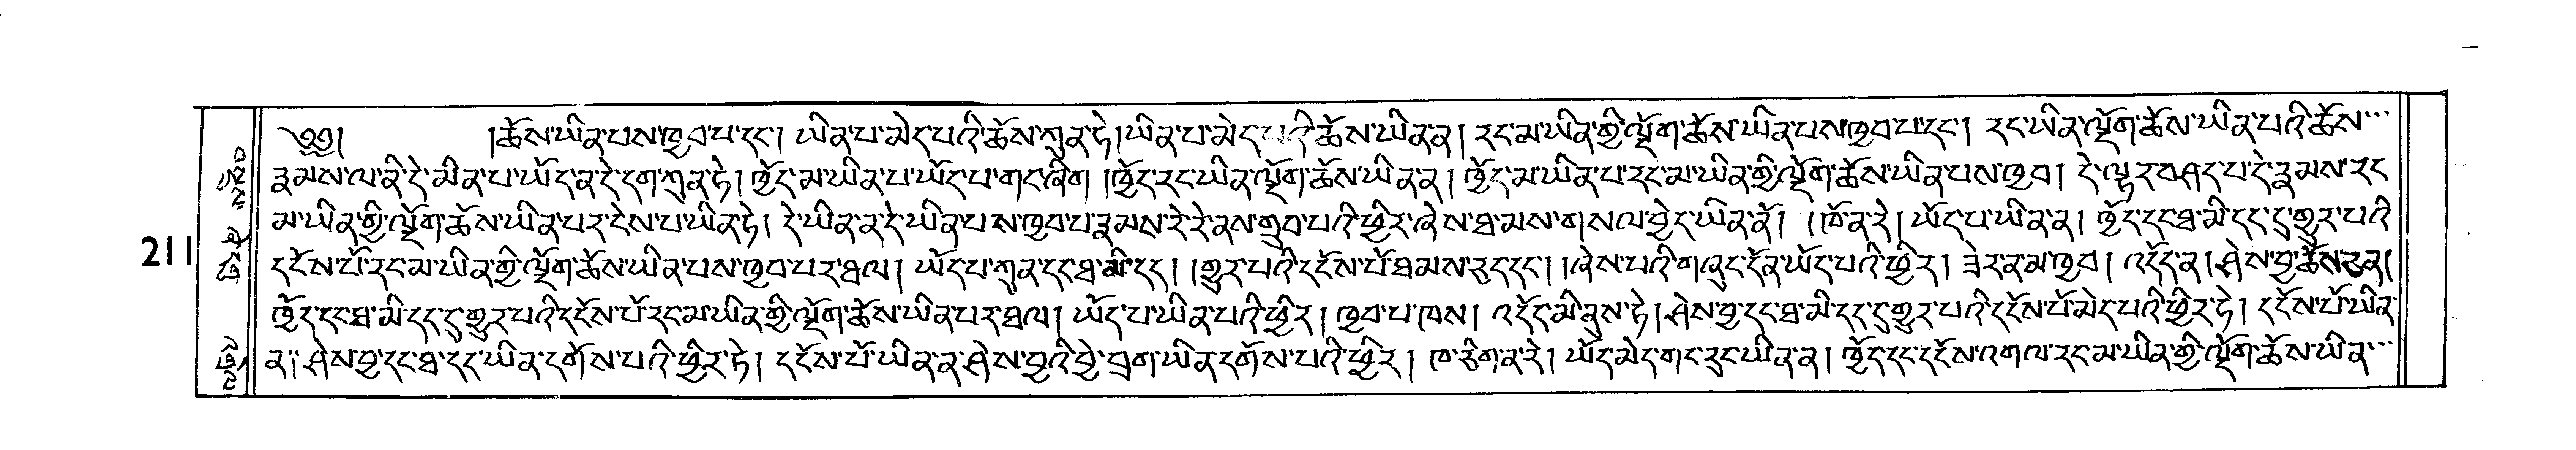༄༅། །ཆོས་ཡིན་པས་ཁྱབ་པ་དང་། ཡིན་པ་མེད་པའི་ཆོས་ཀུན་ཏེ། ཡིན་པ་མེད་པའི་ཆོས་ཡིན་ན། རང་མ་ཡིན་གྱི་ལྡོག་ཆོས་ཡིན་པས་ཁྱབ་པ་དང་། རང་ཡིན་ལྡོག་ཆོས་ཡིན་པའི་ཆོས་
རྣམས་ལ་ནི་དེ་མིན་པ་ཡོད་ན་དེ་དག་ཀུན་ཏེ། ཁྱོད་མ་ཡིན་པ་ཡོད་པ་གང་ཞིག །ཁྱོད་རང་ཡིན་ལྡོག་ཆོས་ཡིན་ན། ཁྱོད་མ་ཡིན་པ་རང་མ་ཡིན་གྱི་ལྡོག་ཆོས་ཡིན་པས་ཁྱབ། དེ་ལྟར་བཤད་པ་དེ་རྣམས་རང་
མ་ཡིན་གྱི་ལྡོག་ཆོས་ཡིན་པར་ངེས་པ་ཡིན་ཏེ། དེ་ཡིན་ན་དེ་ཡིན་པས་ཁྱབ་པ་རྣམས་རེ་རེ་ནས་གྲུབ་པའི་ཕྱིར་ཞེས་ཐ་མས་གསལ་བྱེད་ཡིན་ནོ། །ཁོ་ན་རེ། ཡོད་པ་ཡིན་ན། ཁྱོད་དང་ཐ་མི་དད་དུ་གྱུར་པའི་
དངོས་པོ་རང་མ་ཡིན་གྱི་ལྡོག་ཆོས་ཡིན་པས་ཁྱབ་པར་ཐལ། ཡོད་པ་ཀུན་དང་ཐ་མི་དད། །གྱུར་པའི་དངོས་པོ་ཐམས་རུང་དང་། །ཞེས་པའི་གཞུང་དོན་ཡོད་པའི་ཕྱིར། ཟེར་ན་མ་ཁྱབ། འདོད་ན། ཤེས་བྱ་ཆོས་ཅན།
ཁྱོད་དང་ཐ་མི་དད་དུ་གྱུར་པའི་དངོས་པོ་རང་མ་ཡིན་གྱི་ལྡོག་ཆོས་ཡིན་པར་ཐལ། ཡོད་པ་ཡིན་པའི་ཕྱིར། ཁྱབ་པ་ཁས། འདོད་མི་ནུས་ཏེ། ཤེས་བྱ་དང་ཐ་མི་དད་དུ་གྱུར་པའི་དངོས་པོ་མེད་པའི་ཕྱིར་ཏེ། དངོས་པོ་ཡིན་
ན༑ ཤེས་བྱ་དང་ཐ་དད་ཡིན་དགོས་པའི་ཕྱིར་ཏེ། དངོས་པོ་ཡིན་ན་ཤེས་བྱའི་བྱེ་བྲག་ཡིན་དགོས་པའི་ཕྱིར། ཁ་ཅིག་ན་རེ། ཡོད་མེད་གང་རུང་ཡིན་ན། ཁྱོད་དང་དངོས་འགལ་རང་མ་ཡིན་གྱི་ལྡོག་ཆོས་ཡིན་